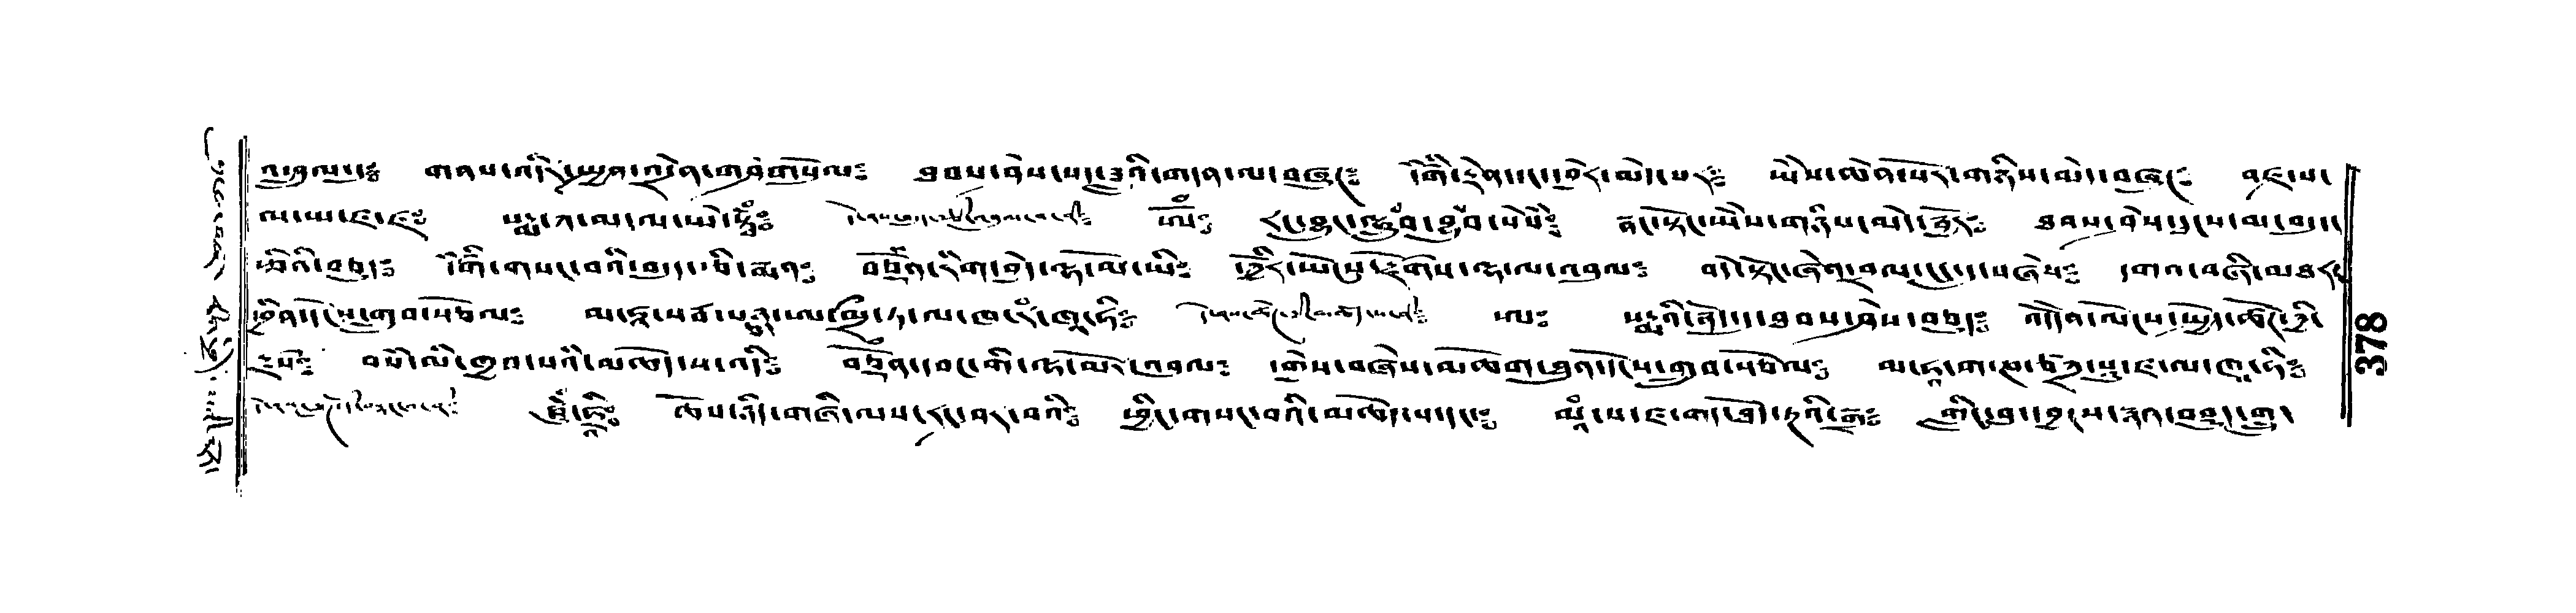འཕྲུལ་དུ༔ གནས་འདིར་སྤྱན་འདྲེན་གཤེགས་སུ་གསོལ༔ ཐབས་ཤེས་པད་ཟླའི་གདན་ལ་བཞུགས༔ དམ་ཚིག་རྟེན་དང་དབྱེར་མེད་པར༔ ཡེ་ཤེས་ཆེན་པོར་གཉིས་མེད་བཞུགས༔ བཛྲ་ས་
མ་ཡ་ཛ་ཛཿ པདྨ་ཀ་མ་ལ་ཡེ་སྟྭྃ༔ དེ་ནས་བདུད་རྩི་འབུལ་བ་ནི༔ ཨོཾ༔ རང་བྱུང་ལྷུན་གྲུབ་བྱང་ཆུབ་སེམས༔ སྣང་སྟོང་ཡེ་ཤེས་གཉིས་མེད་སྦྱོར༔ ཐབས་ཤེས་དྭངས་མ་བདུད་
རྩིའི་བཅུད༔ དམ་ཚིག་གསང་བའི་བདུད་རྩི་སྨན༔ བཅོམ་ལྡན་རིག་བྱེད་ལྷ་མོ་ཡི༔ དཀྱིལ་འཁོར་ཡོངས་རྫོགས་ལྷ་ལ་འབུལ༔ བདེ་སྟོང་ཞེན་བྲལ་ངང་དུ་བཞེས༔ དགའ་བཞི་མཐར་
ཕྱིན་དངོས་གྲུབ་སྩོལ༔ མ་ཧཱ་སརྦ་པཉྩ་ཨ་མྲྀ་ཏ་ལ་ཁ་རཾ་ཁཱ་ཧིཿ དེ་ནས་ཚོགས་ཀྱི་མཆོད་པ་ནི༔ ཨཱཿ པདྨའི་སྣོད་དུ་ཐབས་ཤེས་བཅུད༔ འདོད་ཡོན་ལོངས་སྤྱོད་ཚོགས་ཀྱི་
རྫས༔ བསམ་མི་ཁྱབ་པའི་མཆོད་པ་འདི༔ བཅོམ་ལྡན་དབང་གིས་ལྷ་མོར་འབུལ༔ དགྱེས་བཞེས་མཆོག་ཐུན་དངོས་གྲུབ་སྩོལ༔ མ་ཧཱ་ག་ཎ་ཙཀྲ་པཱུ་ཛ་ལ་ཁཱ་ཧིཿ 
དེ་ནས་ཐུགས་དམ་བསྐང་བ་ནི༔ ཧཱུྃ་ཧྲཱིཿ ཆོས་ཉིད་གཞི་ལས་རང་ཤར་བའི༔ ཕྱི་ནང་གསང་བའི་མཆོད་པ་དང༔ མཱཾ་ས་ཛ་གད་ཐོད་རྔའི་སྒྲ༔ གླིང་བུ་དབྱངས་སྙན་བཤུགས་གླུ་